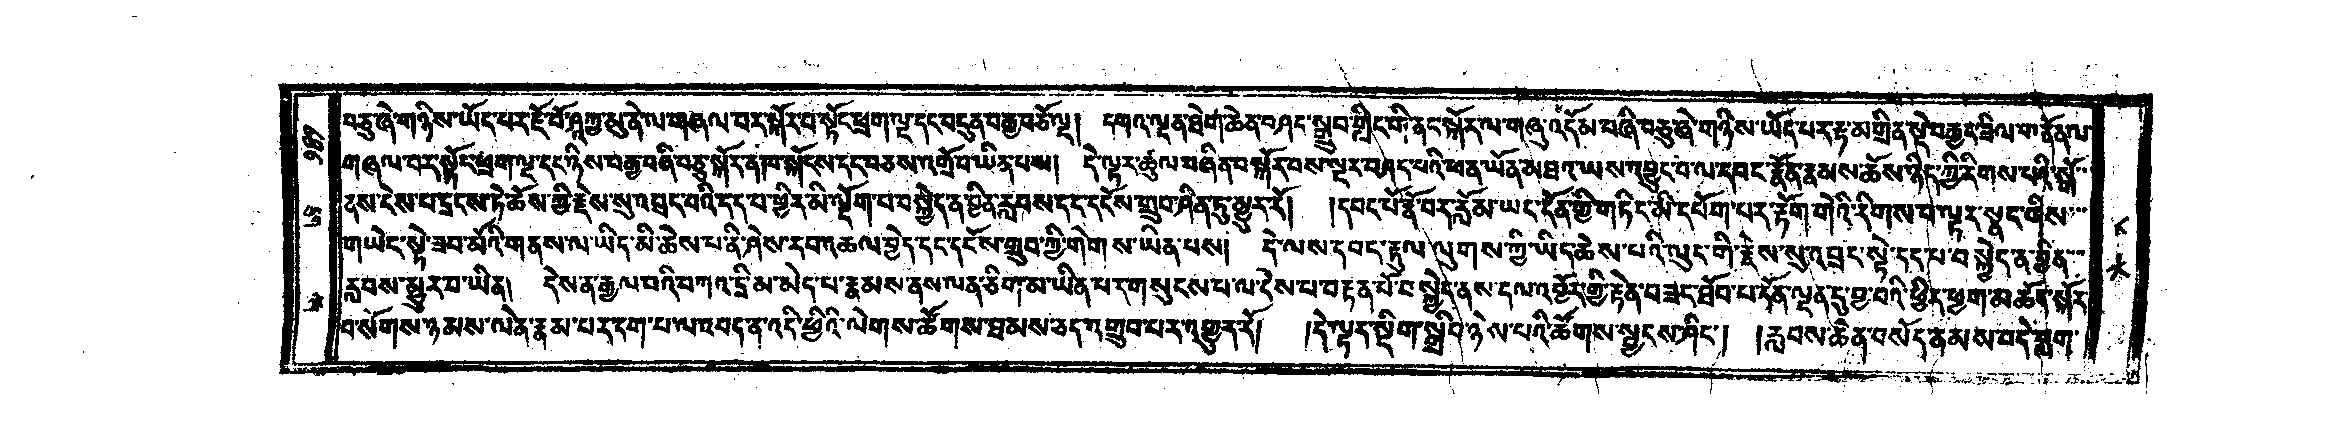བཅུ་ཞེ་གཉིས་ཡོད་པར་ཇོ་བོ་ཤཱཀྱ་མུ་ནེ་ལ་གཞལ་བར་སྐོར་བ་སྟོང་ཕྲག་ལྔ་དང་བདུན་བརྒྱ་བཅོ་ལྔ། དགའ་ལྡན་ཐེག་ཆེན་བཤད་སྒྲུབ་གླིང་གི་ནང་སྐོར་ལ་གཞུ་འདོམ་བཞི་བཅུ་ཞེ་གཉིས་ཡོད་པར་རྟ་མགྲིན་སྡེ་བརྒྱད་ཟིལ་གནོན་ལ་
གཞལ་བར་སྟོང་ཕྲག་ལྔ་དང་ཉིས་བརྒྱ་བཞི་བཅུ་སྐོར་ན་ཁ་སྐོངས་དང་བཅས་འགྲོ་བ་ཡིན་པས། དེ་ལྟར་ཚུལ་བཞིན་བསྐོར་བས་སྔར་བཤད་པའི་ཕན་ཡོན་མཐའ་ཡས་འབྱུང་བ་ལ་དབང་རྣོན་རྣམས་ཆོས་ཉིད་ཀྱི་རིགས་པའི་སྒོ་
ནས་ངེས་པ་དྲངས་ཏེ་ཆོས་ཀྱི་རྗེས་སུ་འབྲང་བའི་དད་པ་ཕྱིར་མི་ལྡོག་པ་བསྐྱེད་ན་བྱིན་རླབས་དང་དངོས་གྲུབ་ཤིན་ཏུ་མྱུར་རོ། །དབང་པོ་རྣོ་བར་རློམ་ཡང་དོན་གྱི་གཏིང་མི་དཔོག་པར་རྟོག་གེའི་རིགས་པ་ལྟར་སྣང་གིས་
གཡེང་སྟེ་ཟབ་མོའི་གནས་ལ་ཡིད་མི་ཆེས་པ་ནི་ཤེས་རབ་འཆལ་བྱེད་དང་དངོས་གྲུབ་ཀྱི་གེགས་ཡིན་པས། དེ་ལས་དབང་རྟུལ་ལུགས་ཀྱི་ཡིད་ཆེས་པའི་ལུང་གི་རྗེས་སུ་འབྲང་སྟེ་དད་པ་བསྐྱེད་ན་བྱིན་
རླབས་མྱུར་བ་ཡིན། དེས་ན་རྒྱལ་བའི་བཀའ་དྲི་མ་མེད་པ་རྣམས་ནས་ལན་ཅིག་མ་ཡིན་པར་གསུངས་པ་ལ་ངེས་པ་བརྟན་པོ་བསྐྱེད་ནས་དལ་འབྱོར་གྱི་རྟེན་བཟང་ཐོབ་པ་དོན་ལྡན་དུ་བྱ་བའི་ཕྱིར་ཕྱག་མཆོད་སྐོར་
བ་སོགས་ཉམས་ལེན་རྣམ་པར་དག་པ་ལ་འབད་ན་འདི་ཕྱིའི་ལེགས་ཚོགས་ཐམས་ཅད་འགྲུབ་པར་འགྱུར་རོ། །དེ་ལྟར་སྡིག་སྒྲིབ་ཉེས་པའི་ཚོགས་སྦྱངས་ཤིང་། །རླབས་ཆེན་བསོད་ནམས་བདེ་བླག་